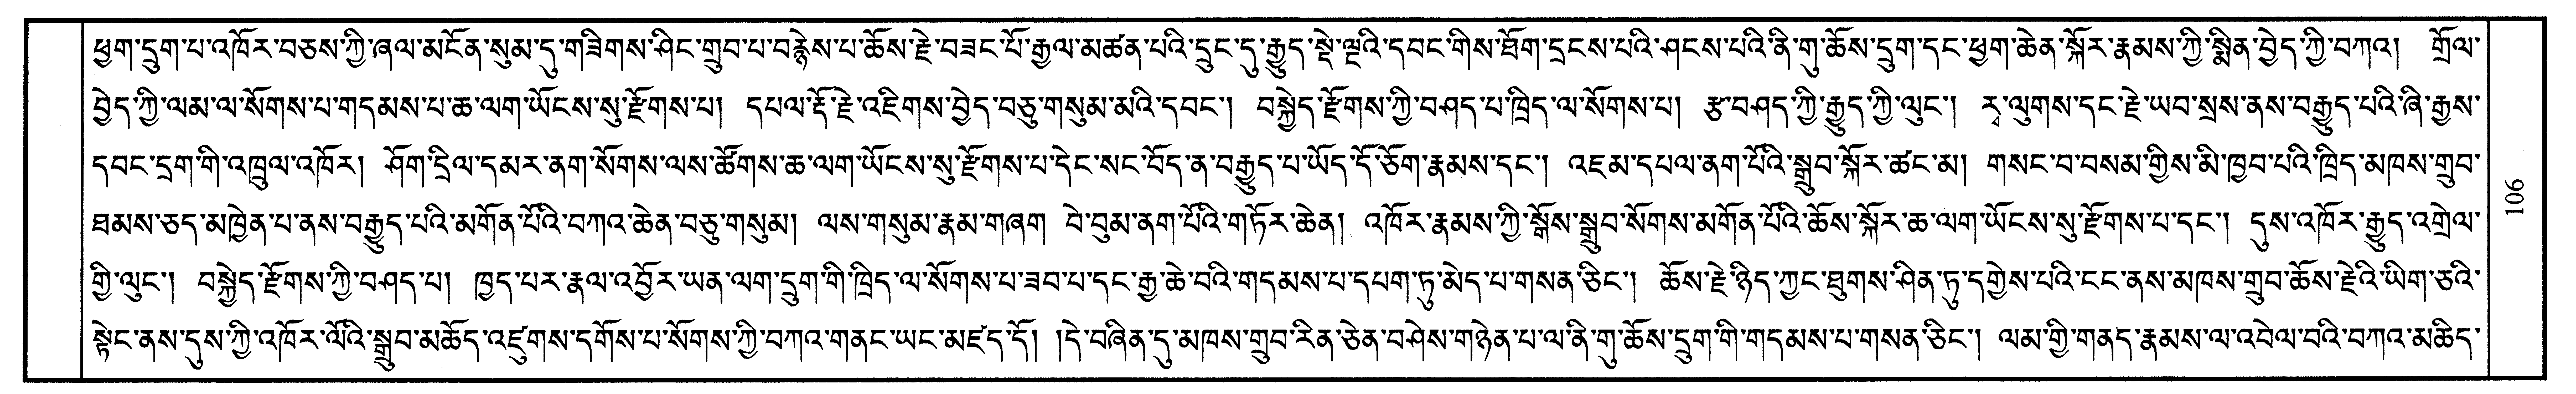ཕྱག་དྲུག་པ་འཁོར་བཅས་ཀྱི་ཞལ་མངོན་སུམ་དུ་གཟིགས་ཤིང་གྲུབ་པ་བརྙེས་པ་ཆོས་རྗེ་བཟང་པོ་རྒྱལ་མཚན་པའི་དྲུང་དུ་རྒྱུད་སྡེ་ལྔའི་དབང་གིས་ཐོག་དྲངས་པའི་ཤངས་པའི་ནི་གུ་ཆོས་དྲུག་དང་ཕྱག་ཆེན་སྐོར་རྣམས་ཀྱི་སྨིན་བྱེད་བཀའ། གྲོལ་
བྱེད་ཀྱི་ལམ་ལ་སོགས་པ་གདམས་པ་ཆ་ལག་ཡོངས་སུ་རྫོགས་པ། དཔལ་རྡོ་རྗེ་འཇིགས་བྱེད་བཅུ་གསུམ་མའི་དབང་། བསྐྱེད་རྫོགས་ཀྱི་བཤད་པ་ཁྲིད་ལ་སོགས་པ། རྩ་བཤད་ཀྱི་རྒྱུད་ཀྱི་ལུང་། རྭ་ལུགས་དང་རྗེ་ཡབ་སྲས་ནས་བརྒྱུད་པའི་ཞི་རྒྱས་
དབང་དྲག་གི་འཁྲུལ་འཁོར། ཤོག་དྲིལ་དམར་ནག་སོགས་ལས་ཚོགས་ཆ་ལག་ཡོངས་སུ་རྫོགས་པ་དེང་སང་བོད་ན་བརྒྱུད་པ་ཡོད་དོ་ཅོག་རྣམས་དང་། འཇམ་དཔལ་ནག་པོའི་སྒྲུབ་སྐོར་ཚང་མ། གསང་བ་བསམ་གྱིས་མི་ཁྱབ་པའི་ཁྲིད་མཁས་གྲུབ་
ཐམས་ཅད་མཁྱེན་པ་ནས་བརྒྱུད་པའི་མགོན་པོའི་བཀའ་ཆེན་བཅུ་གསུམ། ལས་གསུམ་རྣམ་གཞག་བེ་བུམ་ནག་པོའི་གཏོར་ཆེན། འཁོར་རྣམས་ཀྱི་སྒོས་སྒྲུབ་སོགས་མགོན་པོའི་ཆོས་སྐོར་ཆ་ལག་ཡོངས་སུ་རྫོགས་པ་དང་། དུས་འཁོར་རྒྱུད་འགྲེལ་
གྱི་ལུང་། བསྐྱེད་རྫོགས་ཀྱི་བཤད་པ། ཁྱད་པར་རྣལ་འབྱོར་ཡན་ལག་དྲུག་གི་ཁྲིད་ལ་སོགས་པ་ཟབ་པ་དང་རྒྱ་ཆེ་བའི་གདམས་པ་དཔག་ཏུ་མེད་པ་གསན་ཅིང་། ཆོས་རྗེ་ཉིད་ཀྱང་ཐུགས་ཤིན་ཏུ་དགྱེས་པའི་ངང་ནས་མཁས་གྲུབ་ཆོས་རྗེའི་ཡིག་ཅའི་
སྟེང་ནས་དུས་ཀྱི་འཁོར་ལོའི་སྒྲུབ་མཆོད་འཛུགས་དགོས་པ་སོགས་ཀྱི་བཀའ་གནང་ཡང་མཛད་དོ། །དེ་བཞིན་དུ་མཁས་གྲུབ་རིན་ཅེན་བཤེས་གཉེན་པ་ལ་ནི་གུ་ཆོས་དྲུག་གི་གདམས་པ་གསན་ཅིང་། ལམ་གྱི་གནད་རྣམས་ལ་འབེལ་བའི་བཀའ་མཆིད་